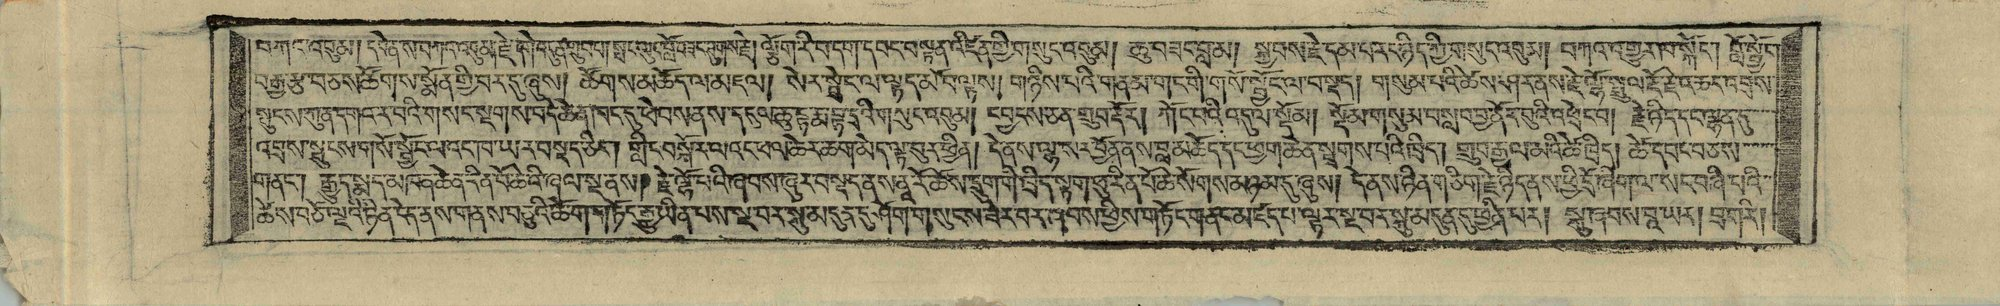བཀའ་འབུམ། དབེན་ས་བཀའ་འབུམ། རྗེ་དགེ་འདུན་གྲུབ་པ། སྤང་ལུང་བློ་བཟང་ཐུགས་རྗེ། ལྕོག་རི་བ་ངག་དབང་བསྟན་འཛིན་གྱི་གསུང་འབུམ། ཆུ་བཟང་བླ་མ། སྐྱབས་རྗེ་དམ་པ་རང་ཉིད་ཀྱི་གསུང་འབུམ། བཀའ་འགྱུར་ཁ་སྐོང་། བློ་སྦྱོང་
བརྒྱ་རྩ་བཅས་ཚོགས་སྨོན་གྱི་བར་དུ་ཞུས། ཚོགས་མཆོད་ལ་མཇལ། སེར་སྦྲེང་ལ་ལྟད་མོ་བལྟས། གཉིས་པའི་གནམ་གང་གི་གསོ་སྦྱོང་ལ་བསྡད། གསུམ་པའི་ཚེས་ཤར་ནས་རྗེ་ལྷོ་སྤྲུལ་རྡོ་རྗེ་འཆང་འབྲས་
སྤུངས་ཀུན་དགའ་ར་བའི་གསང་སྔགས་བདེ་ཆེན་ཁང་དུ་ཕེབས་ནས་དངུལ་ཆུ་དྷརྨ་བྷ་དྲའི་གསུང་འབུམ། དབྱངས་ཅན་གྲུབ་རྡོར། ཀོང་བའི་འདུལ་སྡོམ། སྡོམ་གསུམ་བསླབ་བྱ་ནོར་བུའི་འཕྲེང་བ། རྗེ་ཉིད་དང་ལྷན་དུ་
འབྲས་སྤུངས་གསོ་སྦྱོང་ལའང་ཁ་ཡར་བསྡད་ཅིང་། གླིང་བསྐོར་ལའང་ཕལ་ཆེར་ཆག་མེད་ལྟ་བུར་ཕྱིན། དེ་ནས་ལྷ་སར་བྱོན་ནས་བླ་མཆོད་དང་ཕྱག་ཆེན་སྦྲགས་པའི་ཁྲིད། གྲུབ་རྒྱལ་མའི་ཚེ་ཁྲིད། ཚེ་དབང་བཅས་
གནང་། རྒྱུད་སྨད་མཁན་ཆེན་རིན་པོ་ཆེའི་ཞལ་སྔ་ནས། རྗེ་ལྷོ་པའི་ཞབས་ཞུར་བསྡད་ནས་ནཱ་རོ་ཆོས་དྲུག་གི་ཁྲིད་སྟག་ཕུ་རིན་པོ་ཆེ་སོགས་མཉམ་དུ་ཞུས། དེ་ནས་ཉིན་གཅིག་རྗེ་ཉིད་ནས་ཕྱི་དྲོ་ཞིག་ལ་སང་བཞི་པའི་
ཚེས་བཅོ་ལྔའི་ཉིན་ངེད་ནས་གནས་བཅུའི་ཆོ་ག་གཏོང་རྒྱུ་ཡིན་པས་སྔ་བར་སྐུ་མདུན་དུ་ཤོག་གསུངས་ཟེར་བར་ཞབས་ཕྱིས་གཏོང་གནང་མཛད་པ་ལྟར་སྔ་བར་སྐུ་མདུན་དུ་ཕྱིན་པར། སྐུ་ཞབས་བཱ་ཡར། བྲག་རི།